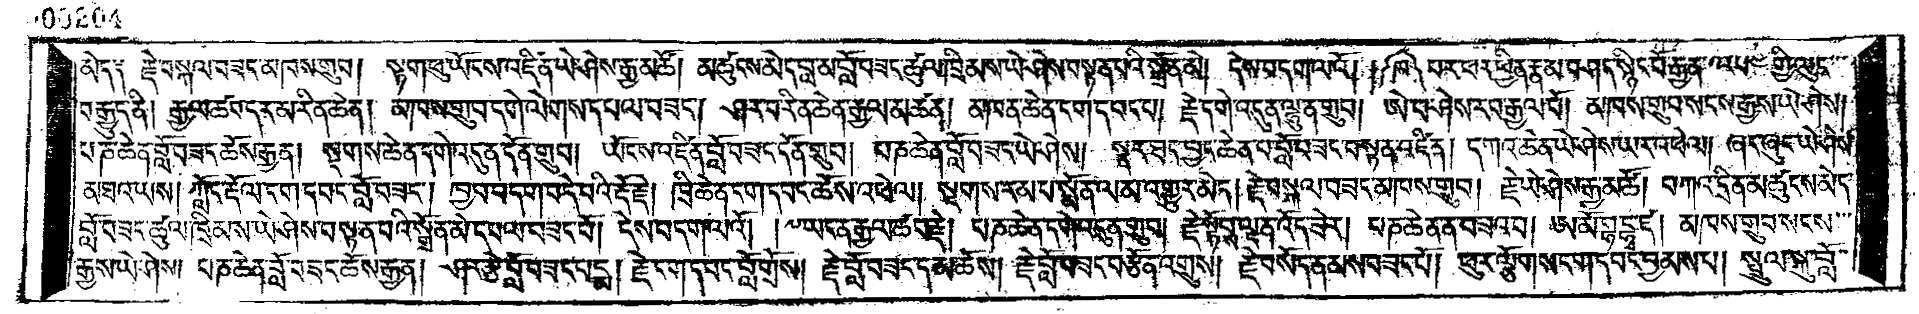མེད༑ རྗེ་བསྐལ་བཟང་མཁས་གྲུབ། སྟག་ཕུ་ཡོངས་འཛིན་ཡེ་ཤེས་རྒྱ་མཚོ། མཚུངས་མེད་བླ་མ་བློ་བཟང་ཚུལ་ཁྲིམས་ཡེ་ཤེས་བསྟན་པའི་སྒྲོན་མེ། དེས་བདག་ལའོ། །༼ཁ༽ པར་ཕར་ཕྱིན་རྣམ་བཤད་སྙིང་པོ་རྒྱན ༣༥༤་གྱི་ལུང་
བརྒྱུད་ནི། རྒྱལ་ཚབ་དར་མ་རིན་ཆེན། མཁས་གྲུབ་དགེ་ལེགས་དཔལ་བཟང་། ཤར་བ་རིན་ཆེན་རྒྱལ་མཚན། མཁན་ཆེན་ངག་དབང་པ། རྗེ་དགེ་འདུན་ལྷུན་གྲུབ། ཨེ་བ་ཤེས་རབ་རྒྱལ་པོ། མཁས་གྲུབ་སངས་རྒྱས་ཡེ་ཤེས།
པཎ་ཆེན་བློ་བཟང་ཆོས་རྒྱན། སྔགས་ཆེན་དགེ་འདུན་དོན་གྲུབ། ཡོངས་འཛིན་བློ་བཟང་དོན་གྲུབ། པཎ་ཆེན་བློ་བཟང་ཡེ་ཤེས། སྣར་ཐང་བྱང་ཆེན་པ་བློ་བཟང་བསྟན་འཛིན། དགའ་ཆེན་ཡེ་ཤེས་ཡར་འཕེལ། ཞང་ཞུང་ཡེ་ཤེས་
མཐའ་ཡས། ཀློང་རྡོལ་ངག་དབང་བློ་བཟང་། ཁྱབ་བདག་བདེ་བའི་རྡོ་རྗེ། ཁྲི་ཆེན་ངག་དབང་ཆོས་འཕེལ། སྔགས་རམ་པ་སྨོན་ལམ་འགྱུར་མེད། རྗེ་བསྐལ་བཟང་མཁས་གྲུབ། རྗེ་ཡེ་ཤེས་རྒྱ་མཚོ། བཀའ་དྲིན་མཚུངས་མེད་
བློ་བཟང་ཚུལ་ཁྲིམས་ཡེ་ཤེས་བསྟན་པའི་སྒྲོན་མེ་དཔལ་བཟང་པོ། དེས་བདག་ལའོ། །༧་ཡང་ན་རྒྱལ་ཚབ་རྗེ། པཎ་ཆེན་དགེ་འདུན་གྲུབ། རྗེ་སྟོབས་ལྡན་འོད་ཟེར། པཎ་ཆེན་ན་བཟའ་བ། ཨ་མོ་གྷ་དྷྭ་ཛ། མཁས་གྲུབ་སངས་
རྒྱས་ཡེ་ཤེས། པཎ་ཆེན་བློ་བཟང་ཆོས་རྒྱན། ཤར་རྩེ་བློ་བཟང་པདམ། རྗེ་ངག་དབང་བློ་གྲོས། རྗེ་བློ་བཟང་དམ་ཆོས། རྗེ་བློ་བཟང་བརྩོན་འགྲུས། རྗེ་བསོད་ནམས་བཟང་པོ། ཕུར་ལྕོགས་ངག་དབང་བྱམས་པ། སྤྲུལ་སྐུ་བློ་